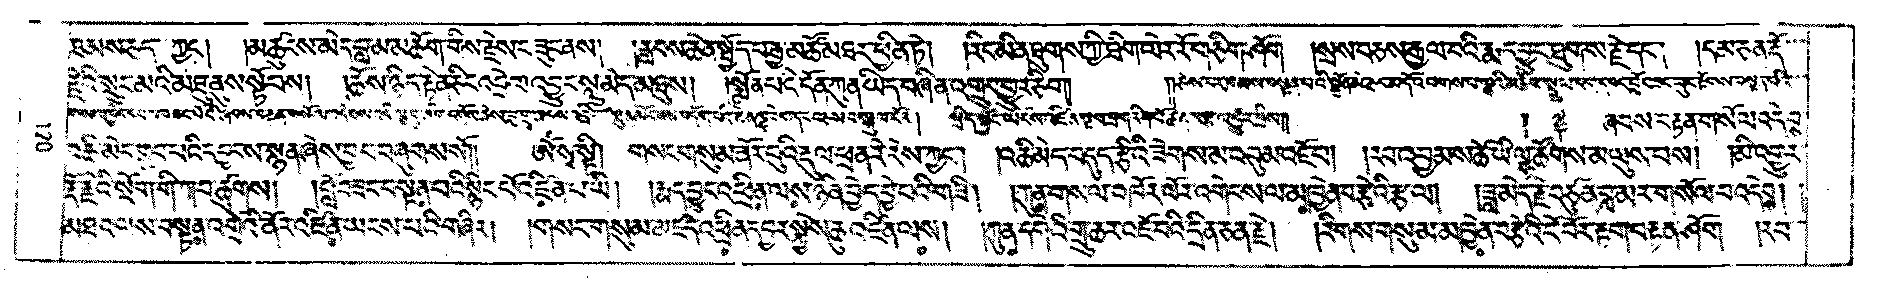ཐམས་ཅད་ཀྱང་། །མཚུངས་མེད་བླ་མ་མཆོག་གིས་རྗེས་བཟུང་ནས། །རླབས་ཆེན་སྤྱོད་པ་རྒྱ་མཚོ་མཐར་ཕྱིན་ཏེ། །རིང་མིན་ཐུགས་ཀྱི་ཐིག་ལེར་རོ་གཅིག་ཤོག །སྲས་བཅས་རྒྱལ་བའི་རྨད་བྱུང་ཐུགས་རྗེ་དང་། །དམ་ཅན་རྡོ་
རྗེའི་སྲུང་མའི་མཐུ་ནུས་སྟོབས། །ཆོས་ཉིད་རྟེན་ཅིང་འབྲེལ་འབྱུང་སླུ་མེད་མཐུས། །སྨོན་པའི་དོན་ཀུན་ཡིད་བཞིན་འགྲུབ་གྱུར་ཅིག ། །།ཅེས་པར་ཁམས་བསྟན་པའི་སྒྲོན་མེ་ཆབ་མདོ་འཕགས་པ་ལྷའི་མཆོག་སྤྲུལ་ངག་དབང་བློ་བཟང་ལུང་རྟོགས་བསྟན་པའི་
གསལ་བྱེད་དཔལ་བཟང་པོའི་ཞབས་བརྟན་གསོལ་འདེབས་འདི་ལྟ་བུ་ཞིག་དགོས་ཞེས་བླ་གྲྭ་ཞབས་འབྲིང་ཐུན་མོང་ནས་བདོག་པའི་རྟེན་ལྷ་རེག་དང་བཅས་བསྐུལ་ངོར། སྲིད་སྐྱོང་ཡོངས་འཛིན་སྟག་བྲག་རིན་པོ་ཆེ་ནས་རྩལ་གྱུར་བྲིས།། །། ༈ ཞབས་བརྟན་གསོལ་འདེབས་
འཆི་མེད་གྲུབ་པའི་དབྱངས་སྙན་ཞེས་བྱ་བ་བཞུགས་སོ། །ཨོཾ་སྭ་སྟི། གསང་གསུམ་ནོར་བུའི་རྡུལ་ཕྲན་རེ་རེས་ཀྱང་། །འཆི་མེད་བདུད་རྩིའི་ཟེགས་མ་འབུམ་འཇོ་བ། །རབ་འབྱམས་ཚེ་ཡི་ལྷ་ཚོགས་མ་ལུས་པས། །མི་འགྱུར་
རྡོ་རྗེའི་སྲོག་གི་ཀ་བ་ཚུགས། །བློ་བཟང་བསྟན་པའི་སྙིང་པོ་འཛིན྾་པ་ཡི། །རྨད་བྱུང་འཕྲིན྾་ལས྾་ཉིན་བྱེད་བྱེ་བའི་གཟི། །ཀུན྾་གསལ་འཁོར་ལོར་འགེངས་ལ་མཁྱེན྾་བརྩེའི་རྩལ། །ཟླ་མེད་རྗེ་བཙུན་བླ་མར་གསོལ་བ་འདེབས། །
མཐའ་ཡས་བསྟན྾་འགྲོའི་ནོར་འཛིན྾་ཡངས་པའི་གཞིར། །གསང་གསུམ་མཛད་འཕྲིན྾་དབྱར་སྐྱེས་ཆུ་འཛིན་ལས྾། །ཀུན྾་དགེའི་གྲུ་ཆར་འཇོ་བའི་དྲིན་ཅན་རྗེ། །རིགས་གསུམ་མཁྱེན྾་བརྩེའི་ངོ་བོར་རྟག་བརྟན་ཤོག །རབ་